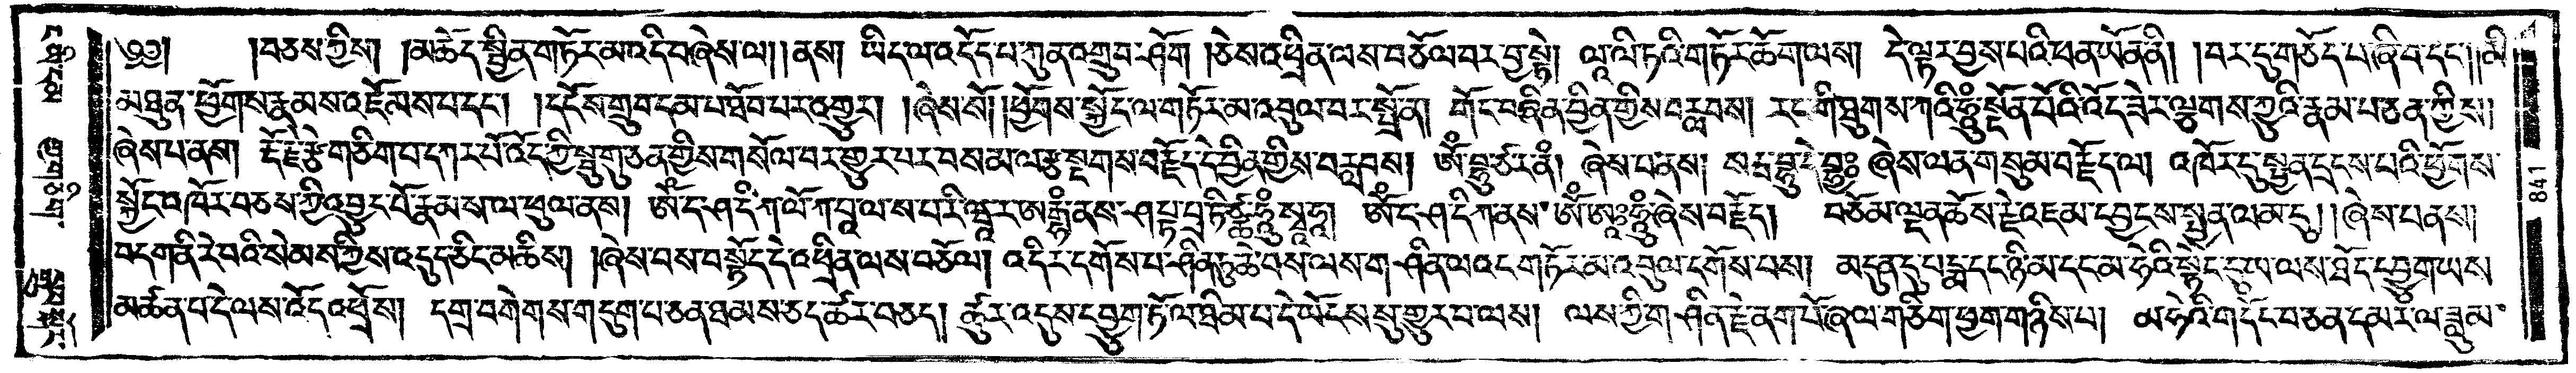༄༅། །བཅས་ཀྱིས། །ཆོད་སྦྱིན་གཏོར་མ་འདི་བཞེས་ལས། ནས། ཡིད་ལ་འདོད་པ་ཀུན་འགྲུབ་ཤོག །ཅེས་འཕྲིན་ལས་བཅོལ་བར་བྱ་སྟེ། ལཱ་ལི་ཏའི་གཏོར་ཆོག་ལས། དེ་ལྟར་བྱས་པའི་ཕན་ཡོན་ནི། །བར་དུ་གཅོད་པ་ཞིབ་དང་། །མི་
མཐུན་ཕྱོགས་རྣམས་འཇོམས་པ་དང་། །དངོས་གྲུབ་དམ་པ་ཐོབ་པར་འགྱུར། །ཞེས་སོ། །ཕྱོགས་སྐྱོང་ལ་གཏོར་མ་འབུལ་བར་སྤྲོ་ན། གོང་བཞིན་བྱིན་གྱིས་བརླབས། རང་གི་ཐུགས་ཀའི་ཧཱུཾ་སྔོན་པོའི་འོད་ཟེར་ལྕགས་ཀྱུའི་རྣམ་པ་ཅན་གྱིས།
ཞེས་པ་ནས། རྡོ་རྗེ་རྩེ་གཅིག་པ་དཀར་པོ་འོད་ཀྱི་སྦུ་གུ་ཅན་གྱིས་གསོལ་བར་གྱུར་པར་བསམ་ལ་རྩ་སྔགས་བརྗོད་དེ་བྱིན་གྱིས་བརླབས། ཨོཾ་བྷུ་ཙ་ར་ནཾ། ཞེས་པ་ནས། སརྦ་བྷུ་དེ་བྷྱཿ ཞེས་ལན་གསུམ་བརྗོད་ལ། འཁོར་དུ་སྤྱན་དྲངས་པའི་ཕྱོགས་
སྐྱོང་འཁོར་བཅས་ཀྱི་འབྱུང་པོ་རྣམས་ལ་ཕུལ་ནས། ཨོཾ་ད་ཤ་དཾ་ཀ་ལོ་ཀ་པཱ་ལ་ས་པ་རི་ཝཱ་ར་ཨརྒྷཾ་ནས་ཤཔྟ་པྲ་ཏི་ཙྪ་ཧཱུཾ་སྭཱ་ཧཱ། ཨོཾ་ད་ཤ་དི་ཀ་ནས་ཨོཾ་ཨཱཿ ཧཱུཾ་ཞེས་བརྗོད། བཅོམ་ལྡན་ཆོས་རྗེ་འཇམ་དབྱངས་སྤྱན་ལམ་དུ། །ཞེས་པ་ནས།
བདག་ནི་རེ་བའི་སེམས་ཀྱིས་འདུད་ཅིང་མཆིས། །ཞེས་པས་བསྟོད་དེ་འཕྲིན་ལས་བཅོལ། འདིར་དགོས་པ་ཤིན་ཏུ་ཆེ་བས་ལས་གཤིན་ལའང་གཏོར་མ་འབུལ་དགོས་པས། མདུན་དུ་པདམ་དང་ཉི་མ་དང་མ་ཧེའི་སྟེང་དུས་ལས་ཐོད་དབྱུ་གཡས་
མཚན་པ་དེ་ལས་འོད་འཕྲོས། དགྲ་བགེགས་གདུག་པ་ཅན་ཐམས་ཅད་ཚར་བཅད། ཚུར་འདུས་དབྱུག་ཏོ་ལ་ཐིམ་པ་དེ་ཡོངས་སུ་གྱུར་པ་ལས། ལས་ཀྱི་གཤིན་རྗེ་ནག་པོ་ཞལ་གཅིག་ཕྱག་གཉིས་པ། མ་ཧེའི་གདོང་བཅན་དམར་ལ་ཟླ་མ་